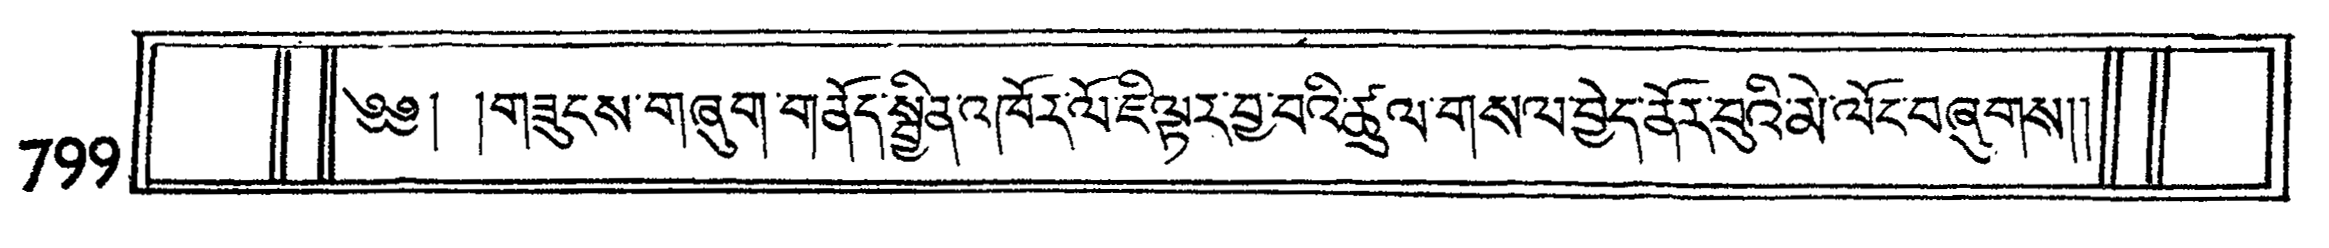༄༅། །གཟུངས་གཞུག་གནོད་སྦྱིན་འཁོར་ལོ་ཇི་ལྟར་བྱ་བའི་ཚུལ་གསལ་བྱེད་ནོར་བུའི་མེ་ལོང་བཞུགས། །